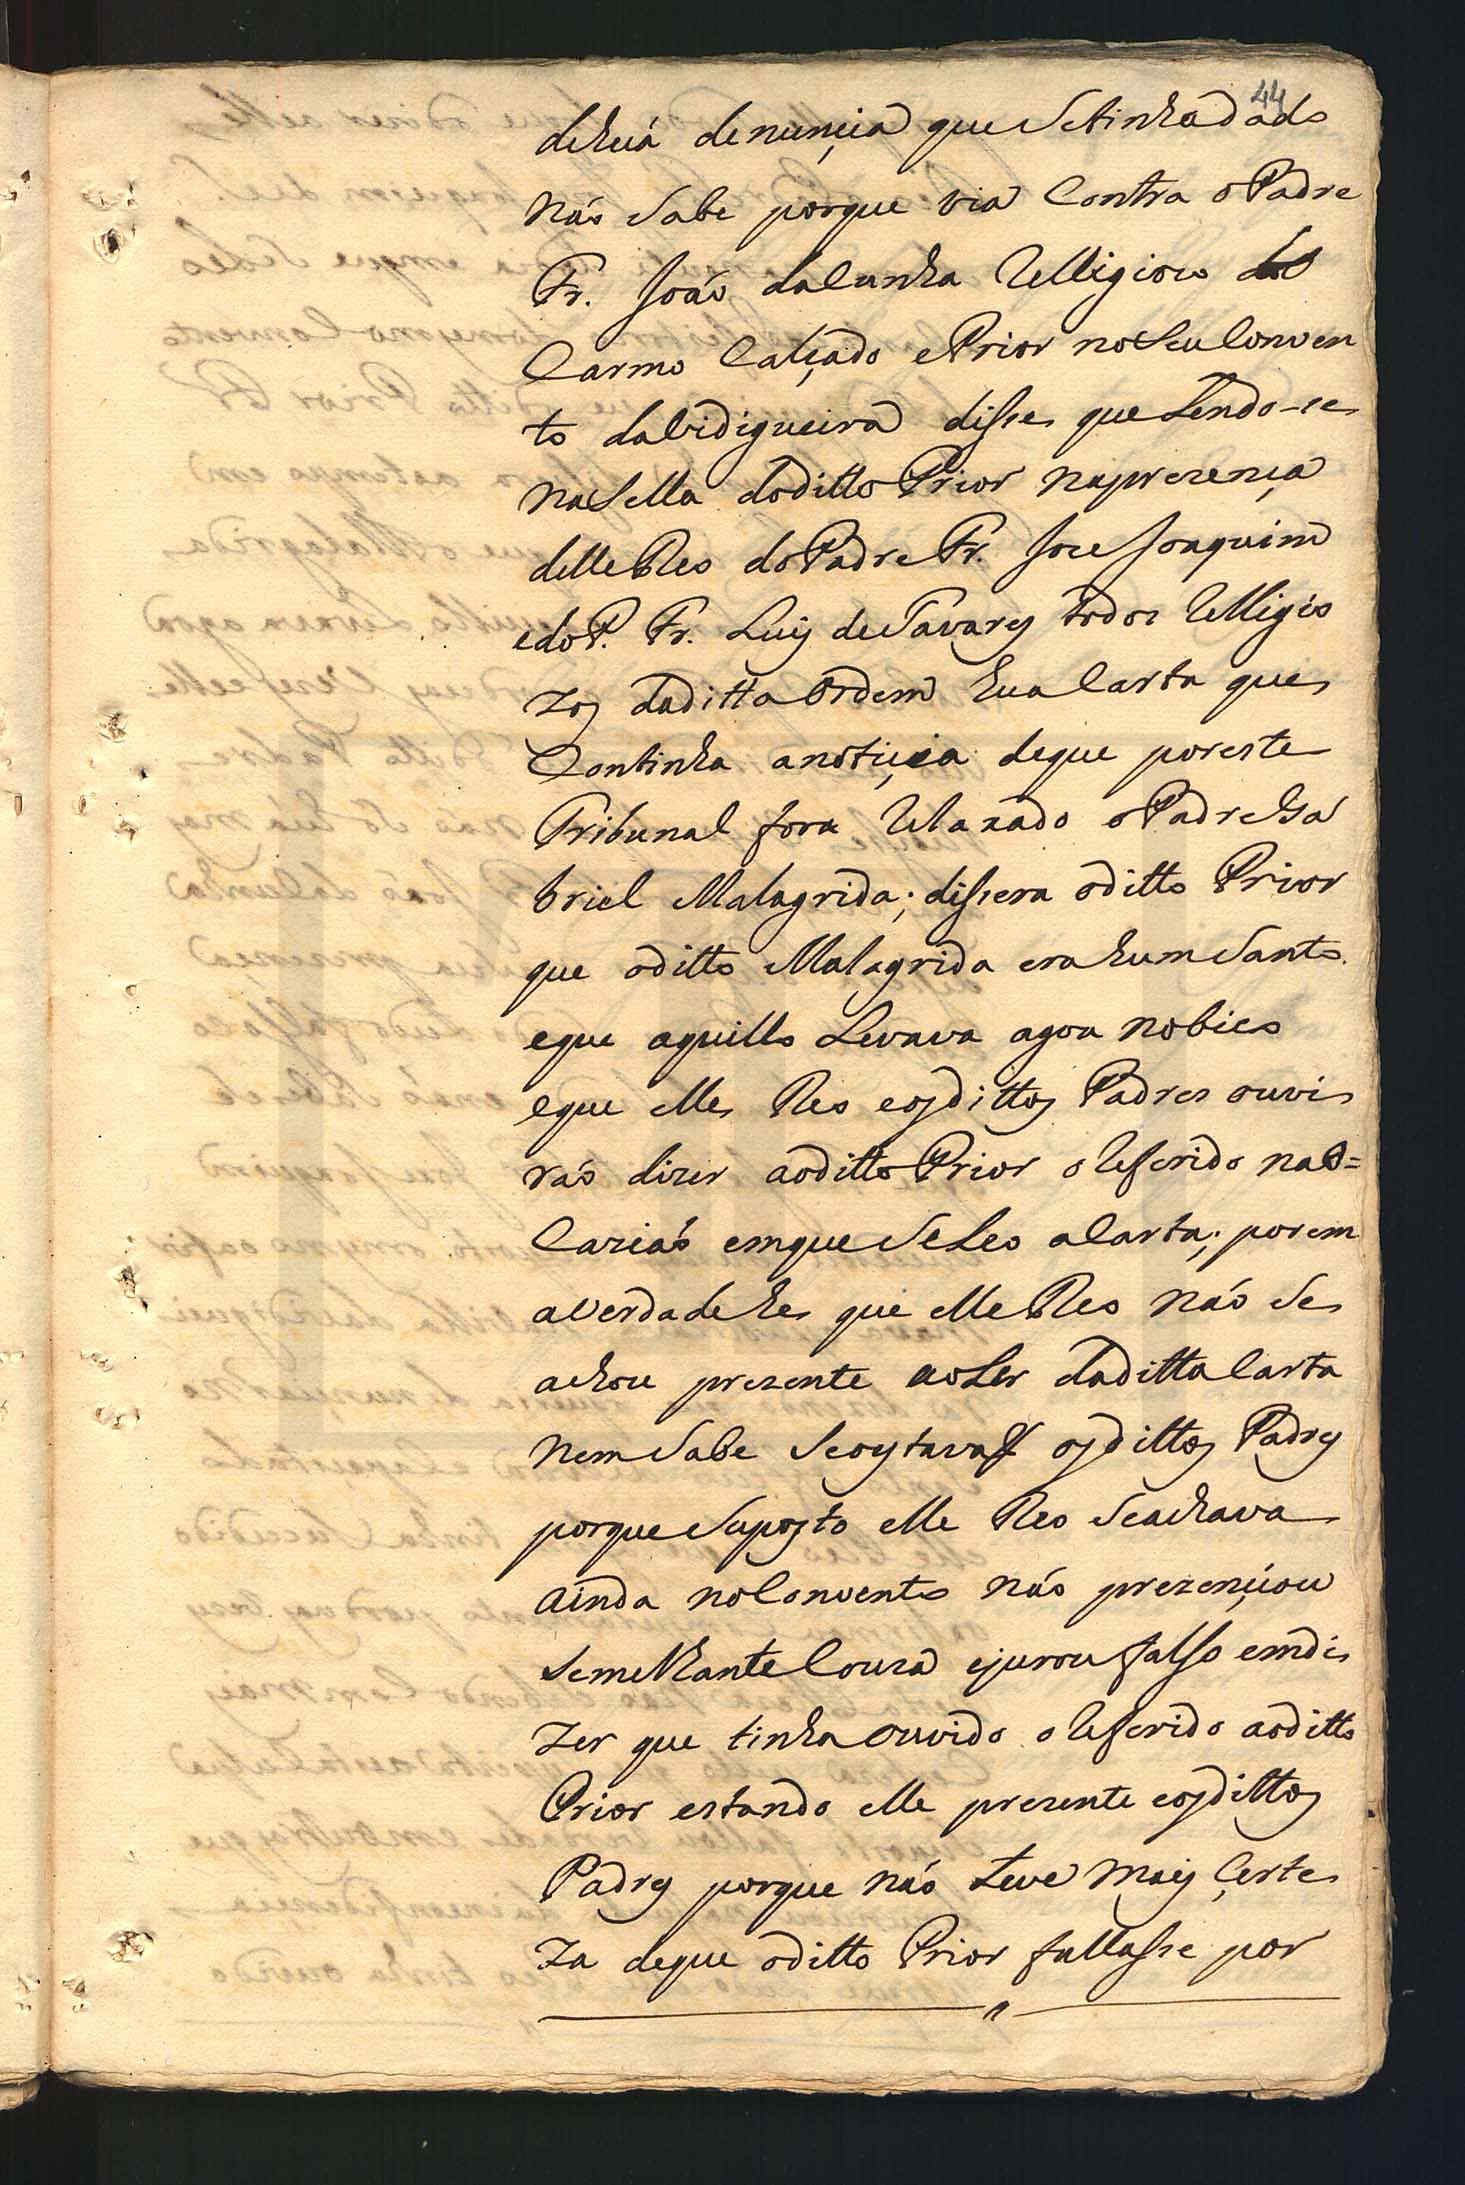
de huā denuncia que se tinha dado
não sabe porque via Contra o Padre
Fr. Joaõ da Cunha Relligiozo do
Carmo Calçado e Prior no Seu Conven
to da vidigueira disse que Lendo-se
na Sella do ditto Prior na prezença
delle Reo do Padre Fr. Joze Joaquim
e do P. Fr. Luis de Tavares todos Relligio
zos da ditta ordem hua carta que
Continha a noticia de que por este
Tribunal fora Relaxado o Padre Ga
briel Malagrida; dissera o ditto Prior
que o ditto Malagrida era hum Santo
e que aquillo Levava agoa no bico
e que elle Reo e os dittos Padres ouvi
raõ dizer ao ditto Prior o Referido na O
Caziaõ em que se Leo a Carta; porem
a verdade he que elle Reo naõ se
achou prezente ao Ler da ditta Carta
nem sabe se o estavaõ os dittos Padres
porque suposto elle Reo se achava
ainda no Convento naõ prezenciou
semelhante Couza e jurou falso em di
Zer que tinha ouvido o Referido ao ditto
Prior estando elle prezente e os dittos
Padres porque naõ teve mais certe
Za de que o ditto Prior fallasse por
